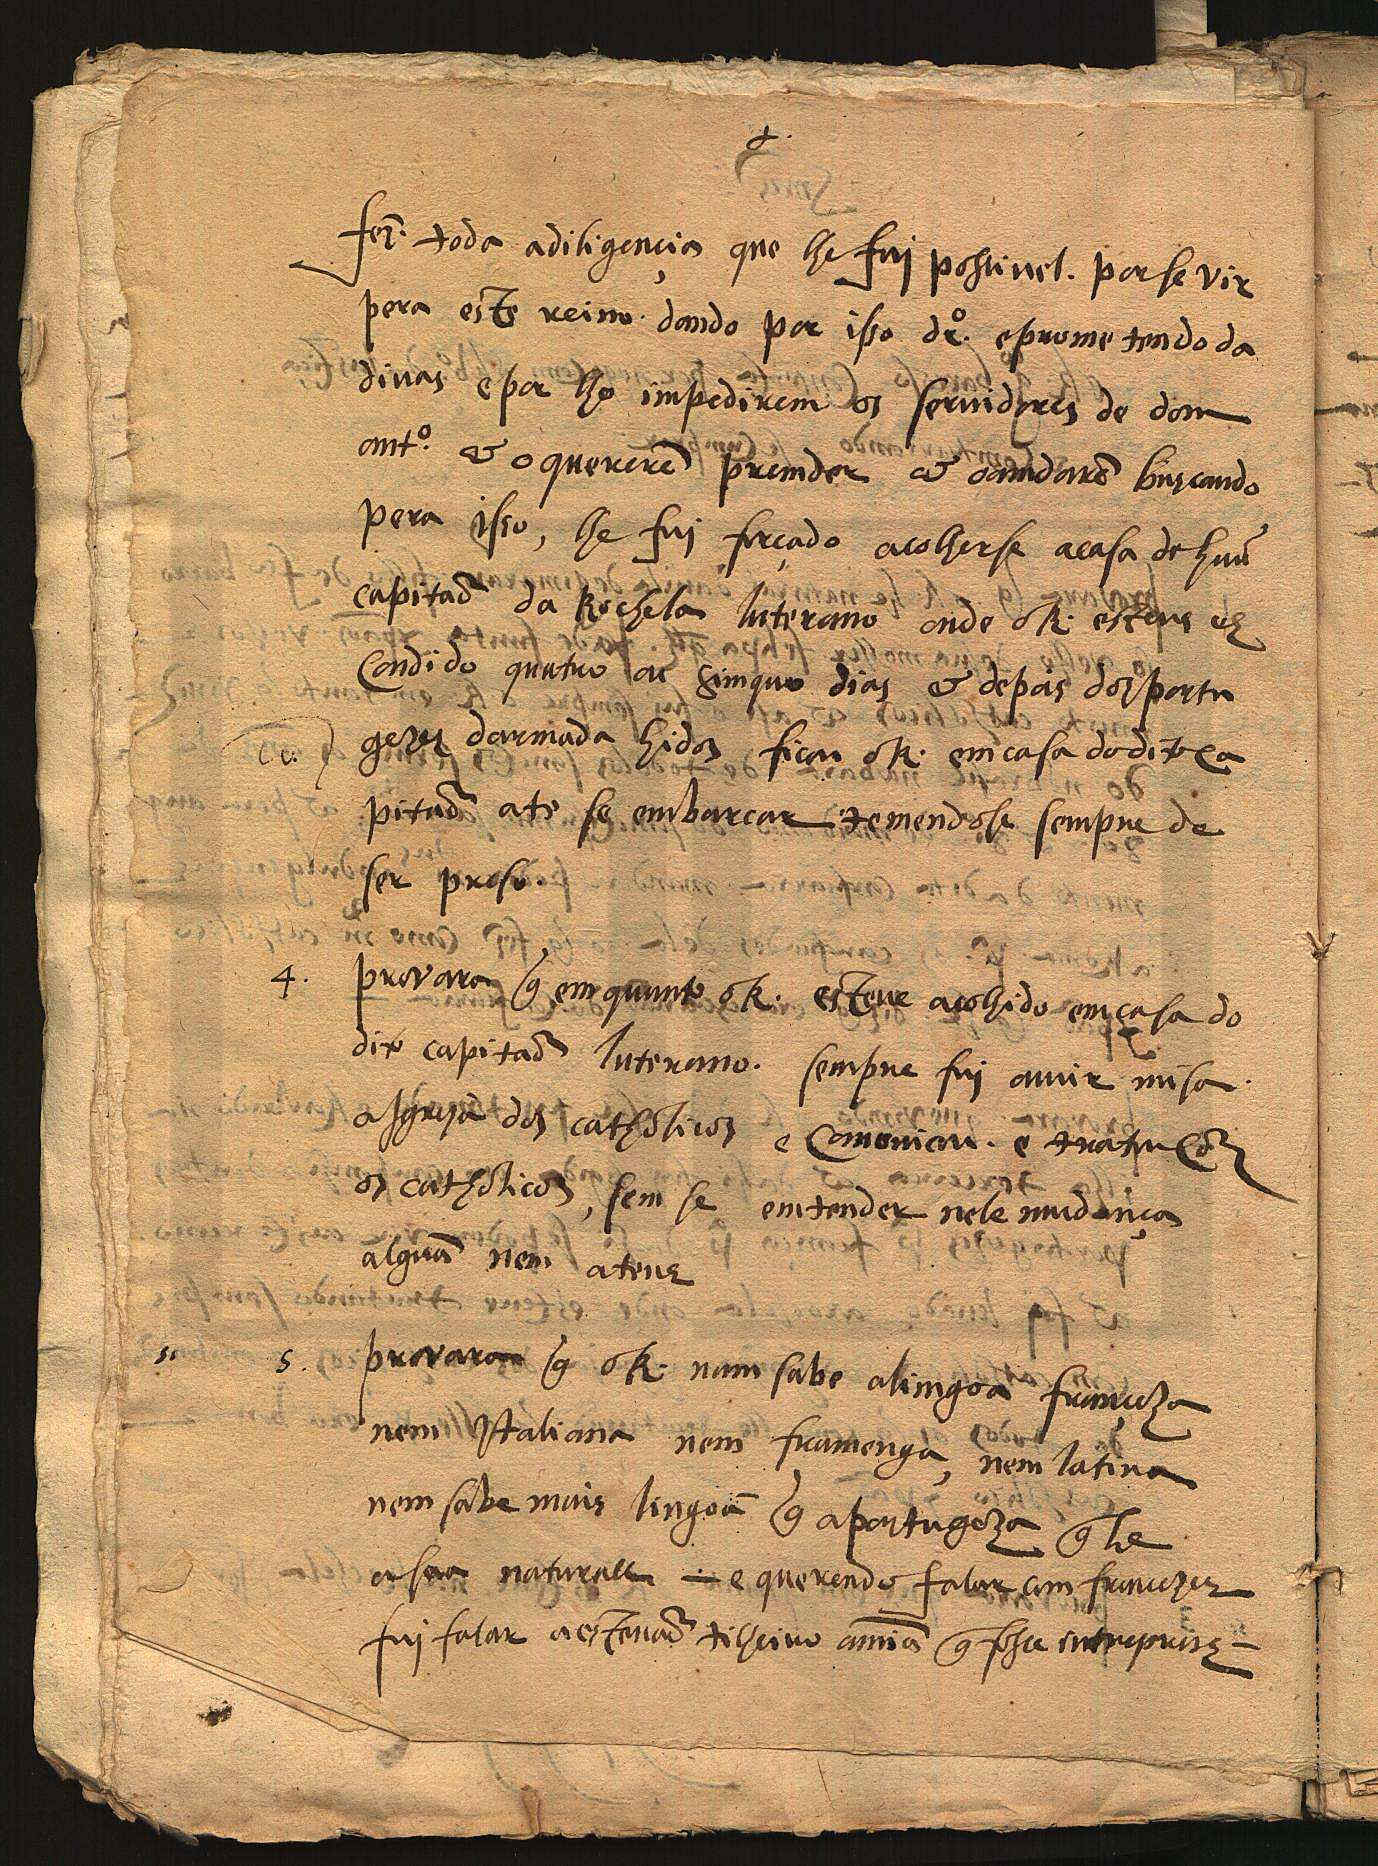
fez toda a diligencia que lhe fuj possiuel. por se vir
pera este reino dando por isso dro. e prometendo da
diuas e por lho impedirem os seruidores de dom
anto. & o quererē premder & o amdarā buscando
pera isso, lhe fuj forçado acolherse a casa de huū
capitão da Rochela luterano onde o R. esteue es
Condido quatro ou simquo dias & depois dos portu
gezes darmada hidos ficou o R. em casa do dito Ca
pitão ate se embarcar temendose sempre de
ser preso.
4. provara q̄ emquanto o R. esteue acolhido em casa do
dito capitão luterano. sempre fuj ouuir misa
a Jgreja dos catholicos e Comonicou e tratou Cō
os catholicos, sem se emtender nele mudança
alguā nem a teue
5. provara q̄ o R. nam sabe a limgoa franceza
nem Jtaliana nem framenga, nem latina
nem sabe mais lingoa q̄ a portugeza q̄ he
a sua naturall — e querendo falar com francezes
fuj falar a esteuão telheiro am̄ia q̄ fosse intreprete
